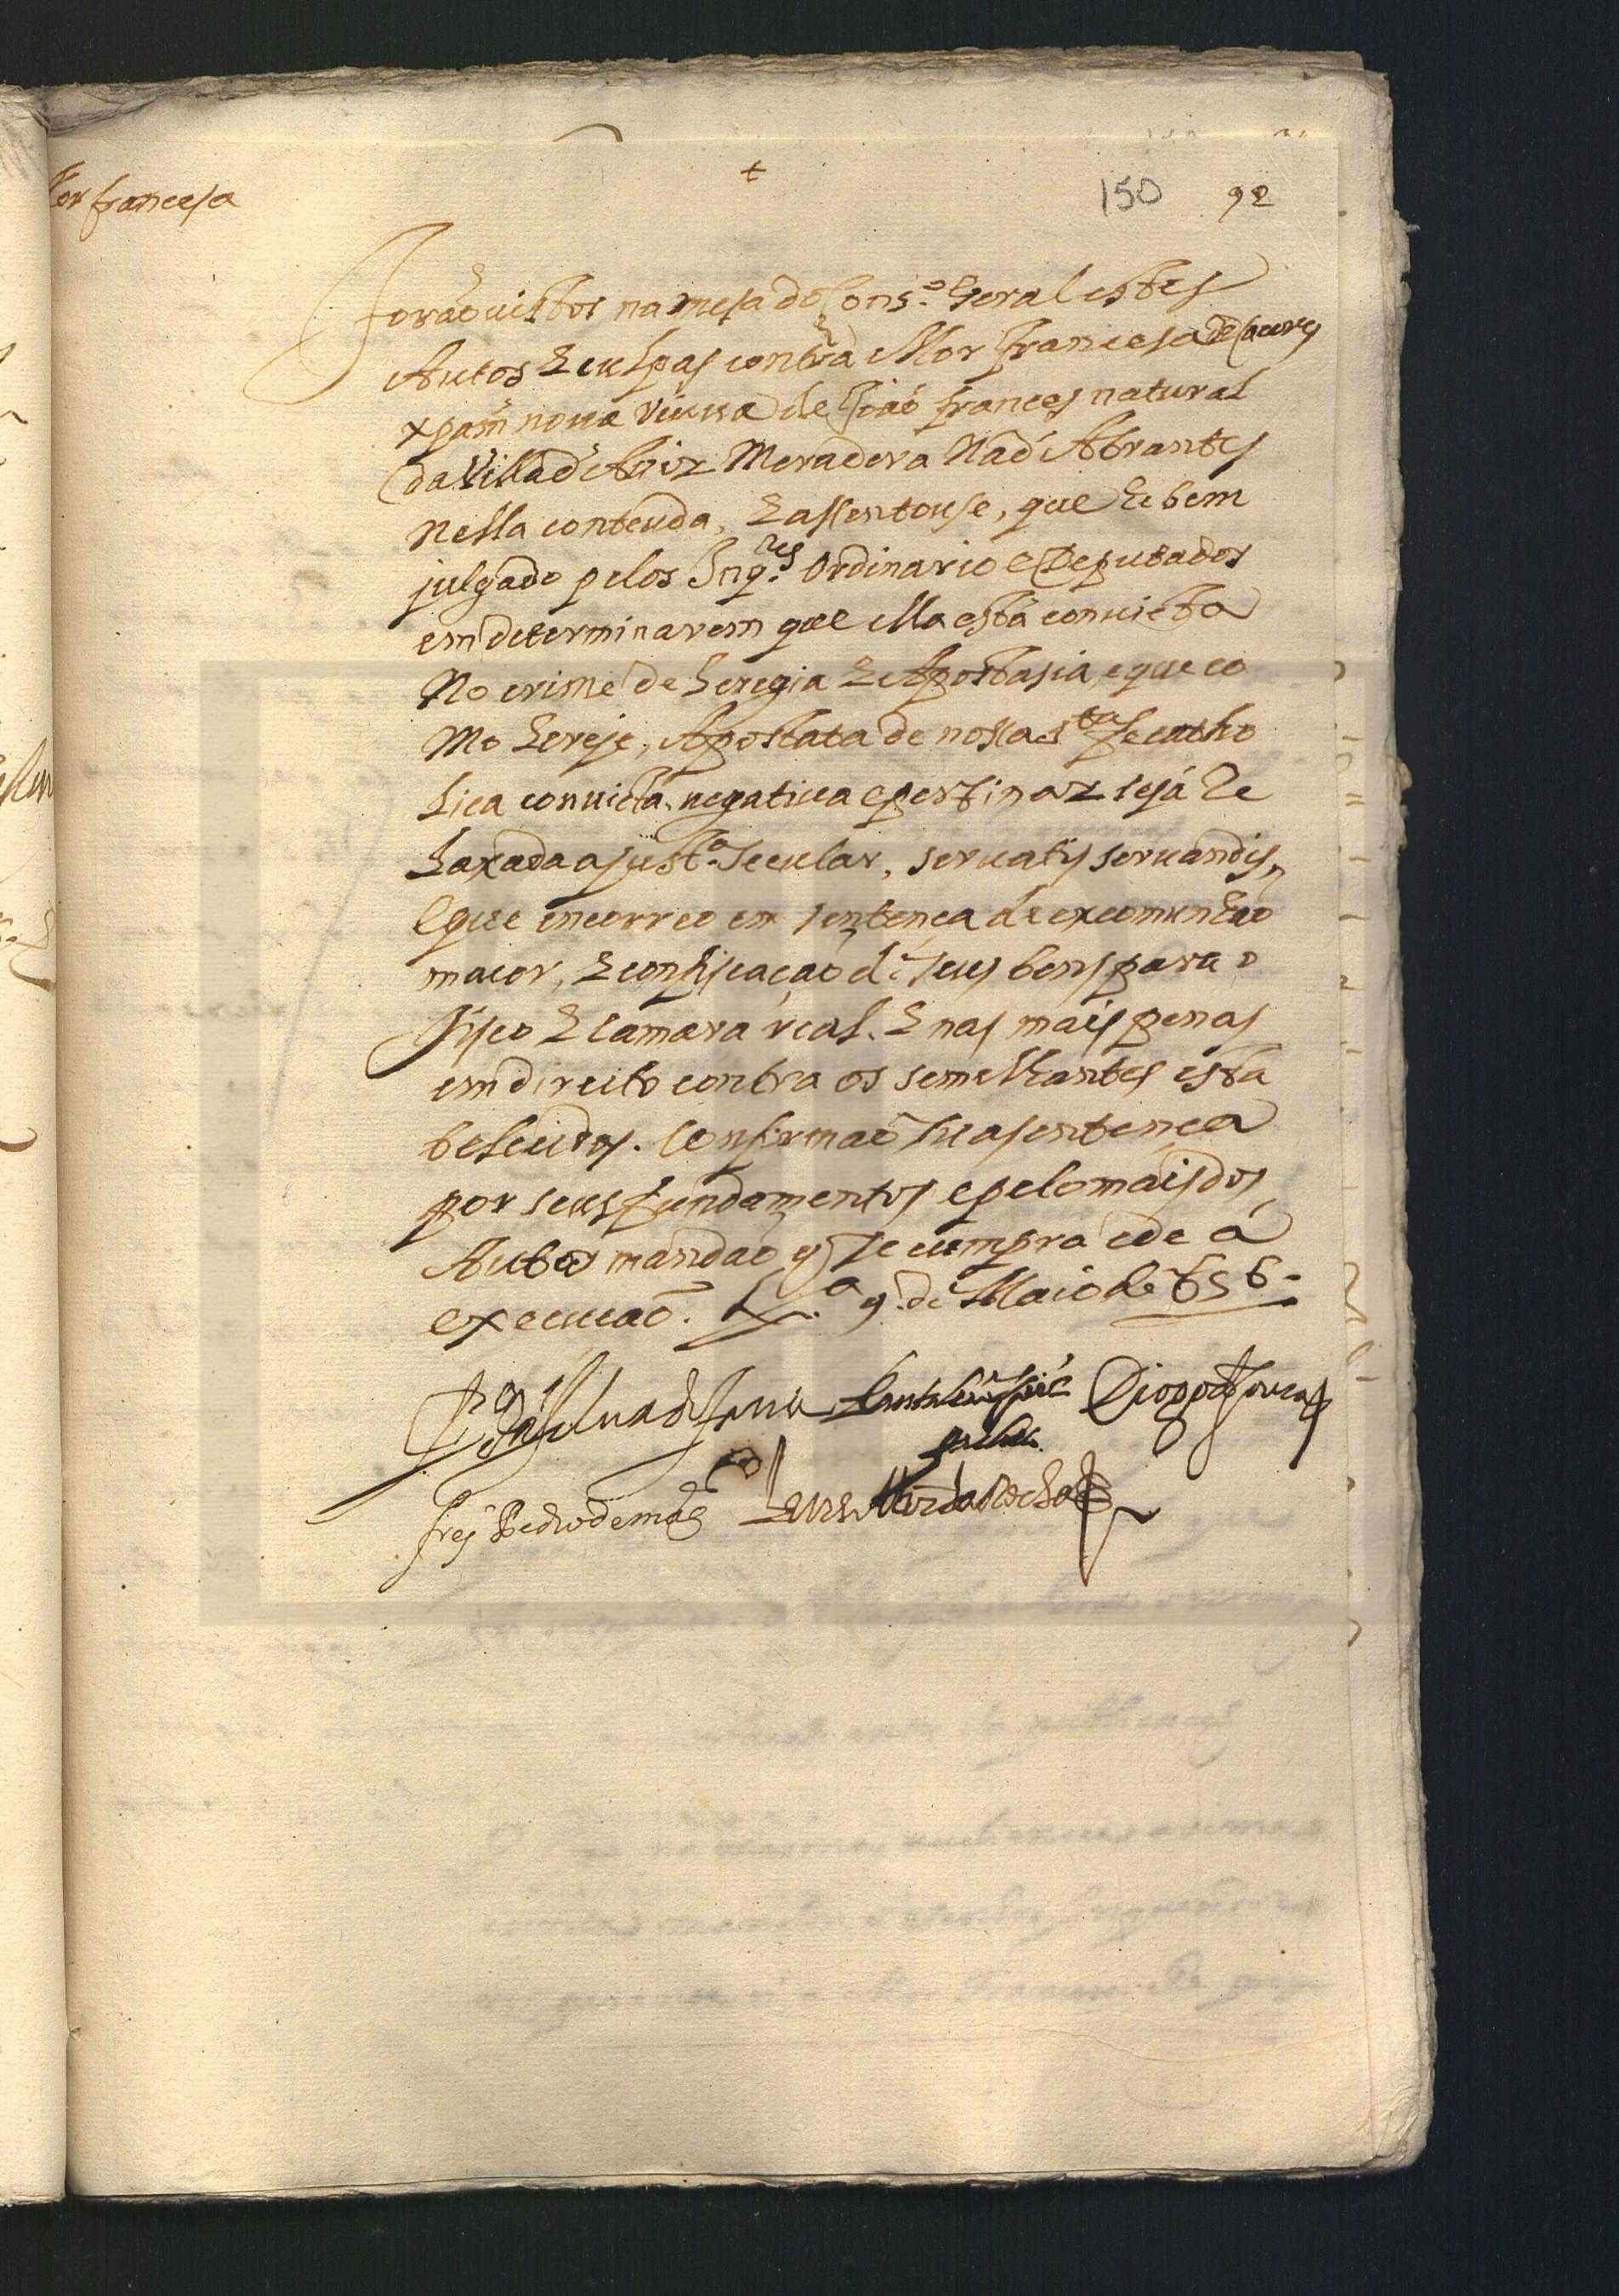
Mor francesa
Foraõ uistos na mesa do Cons.o Geral estes
Autos E culpas contra Mor Francesa de Caceres
xpam noua viuua de Joaõ frances natural
da Villa Auiz moradora na d'Abrantes
nella conteuda, E assentouse, que he bem
julgado pelos Inq.res Ordinario e Deputados
em determinarem que ella está conuicta
no crime de heregia E Apostasia, e que co
mo hereje, Apostata de nossa sta fe catho
Lica, conuicta negatiua e pertinaz seja Re
laxada a Just.a secular seruatis seruandis
e que incorreo em sentença de excomunhaõ
maior, E confiscaçaõ de seus bens para o
fisco E camara real e nas mais penas
em direito contra os semelhantes esta
belecidas confirmaõ sua sentença
por seus fundamentos e pelo mais dos
Autos mandaõ q̄ se cumpra e de a
execuçaõ. Lx.a 9 de Maio de 656.
Po da Silua de faria Pantaleão Roiz̄ Diogo d Souza
pacheco.
frej Pedro de mages Luis Alvz̄ da Rocha
